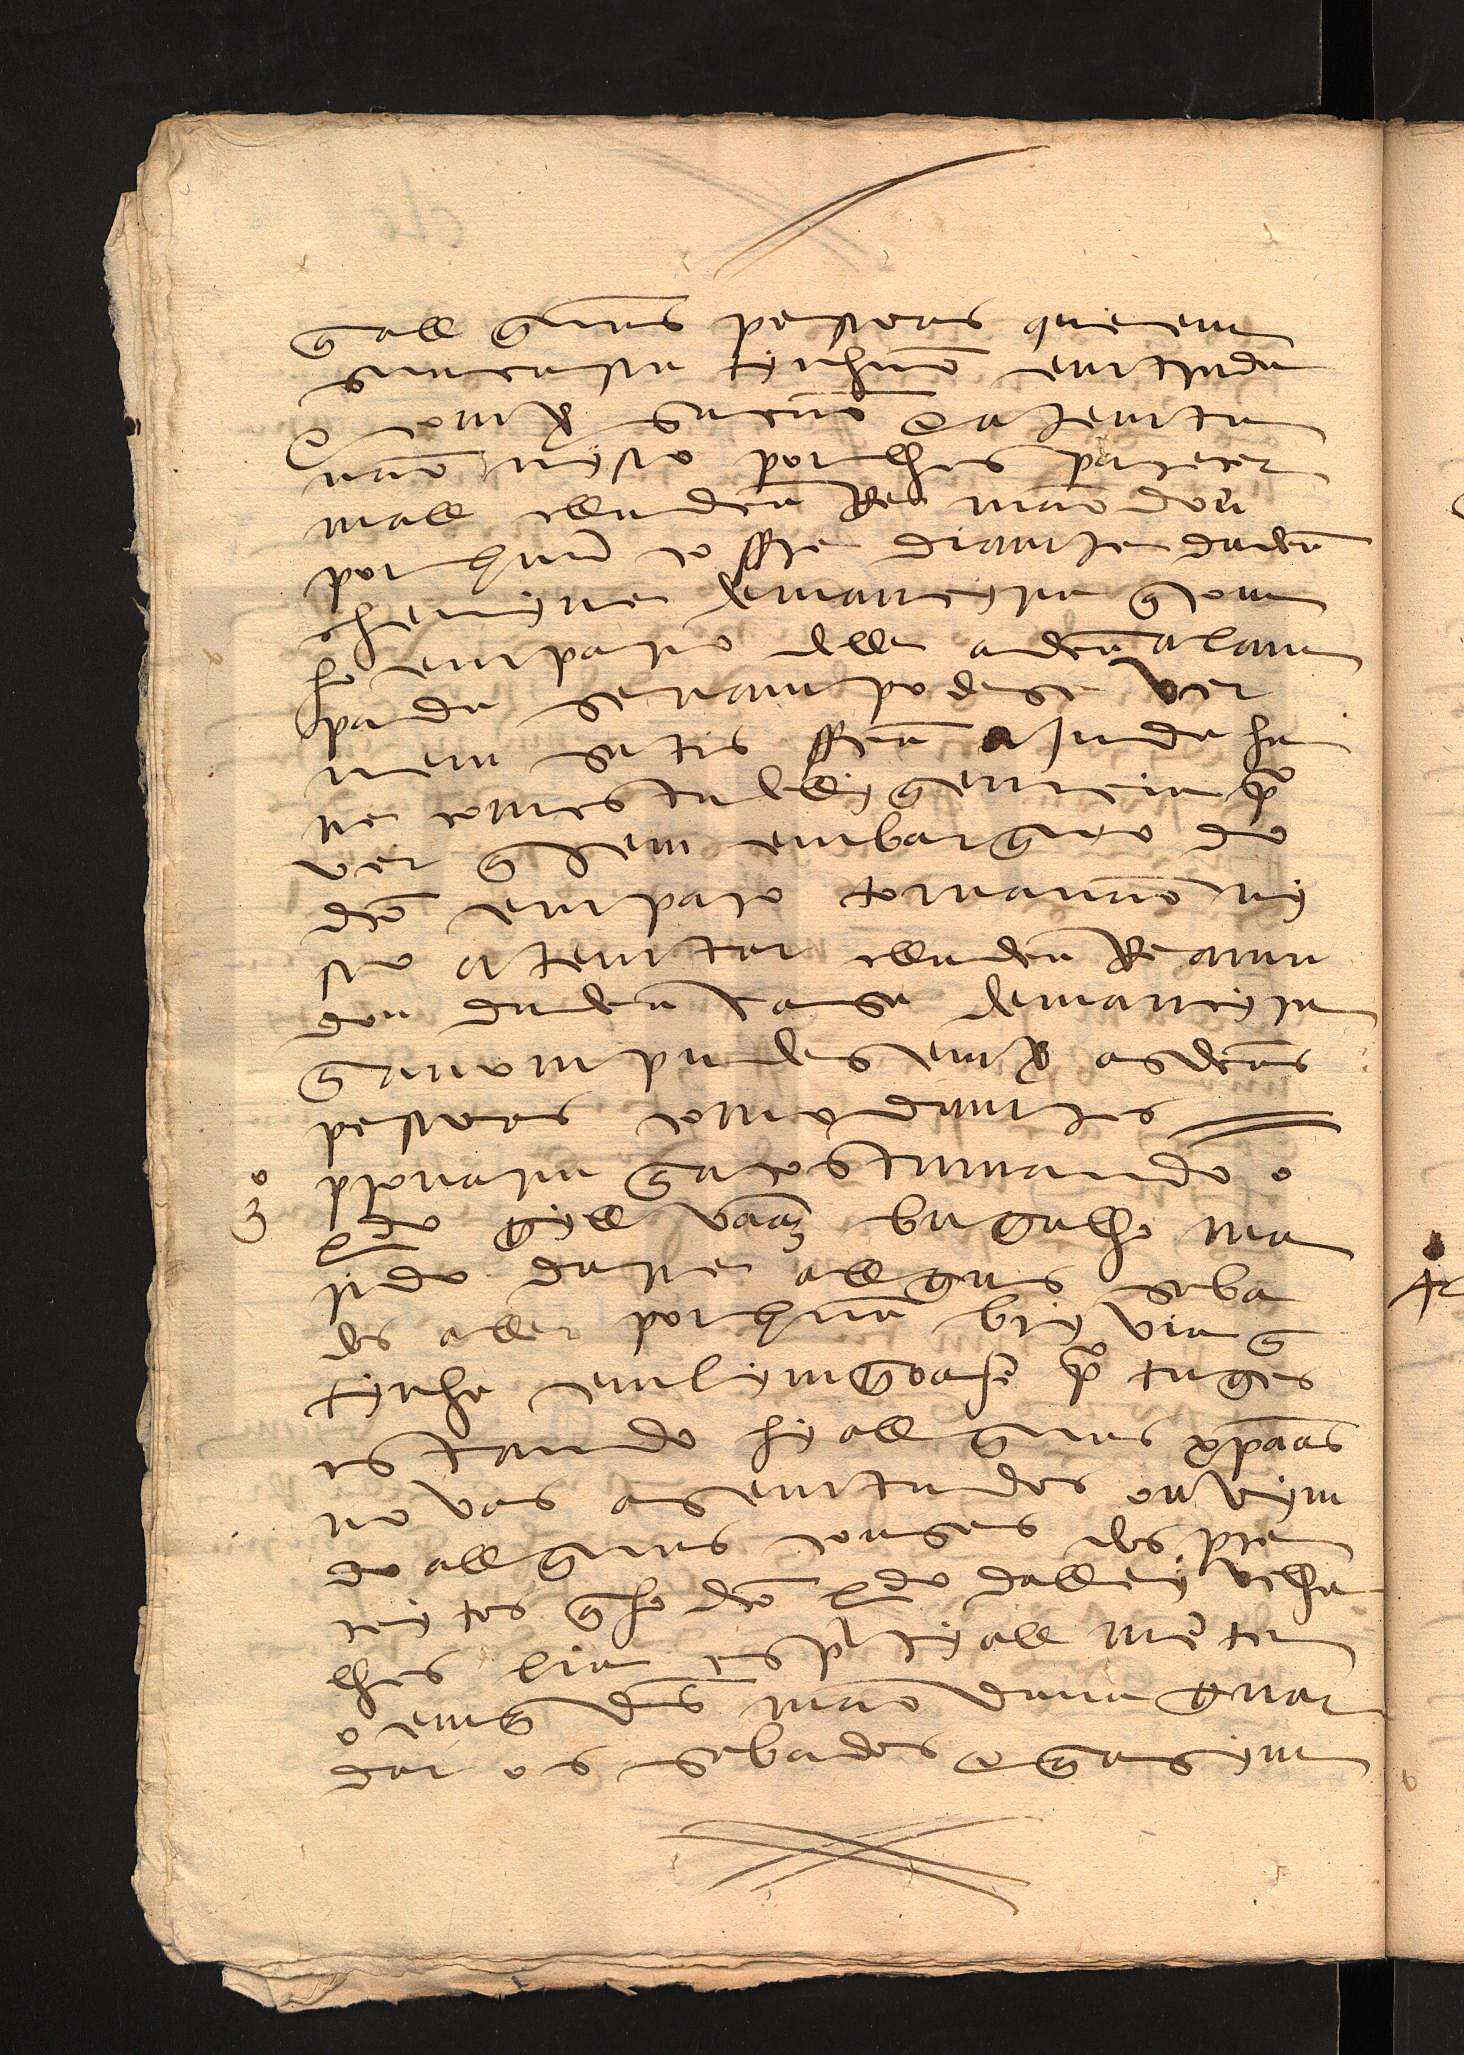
q̄ allguas pessoas que em
sua cassa tynhão emtrada
e comꝟsaçaõ e atenta
uão nysso por lhes parecer
mall ella dc̄a Re mãodou
por huū coffre diamte da dc̄a
chemyne de maneyra q̄ com
ho emparro delle a dc̄a alam
pada se nam podese ver
nem satisffc̄a aJnda ha
rre com esta dellygemcia p̄o
ver q̄ sem embargo do
dc̄o emparo tornauão ny
sso atemtar ella dc̄a Re a mu
dou da dcā casa de maneyra
q̄ a nom pudesem ꝟ as dc̄as
pessoas como dantes
prouara q̄ acostumando o
Ldo gyll vāaz bagalho ma
rido da rre allgus saba
dos a ller por huā bryvia q̄
tynha em lymgoaJē p̄otuges
estando hy allguus xpaõs
novos asemtados ouvym
do allguas cousas dos pre
ceytos q̄ ho dt̄o Ldo da lley velha
lhes lia espicyallmēte
o em q̄ ds̄ mãodaua guar
dar os sabados e q̄ asym
